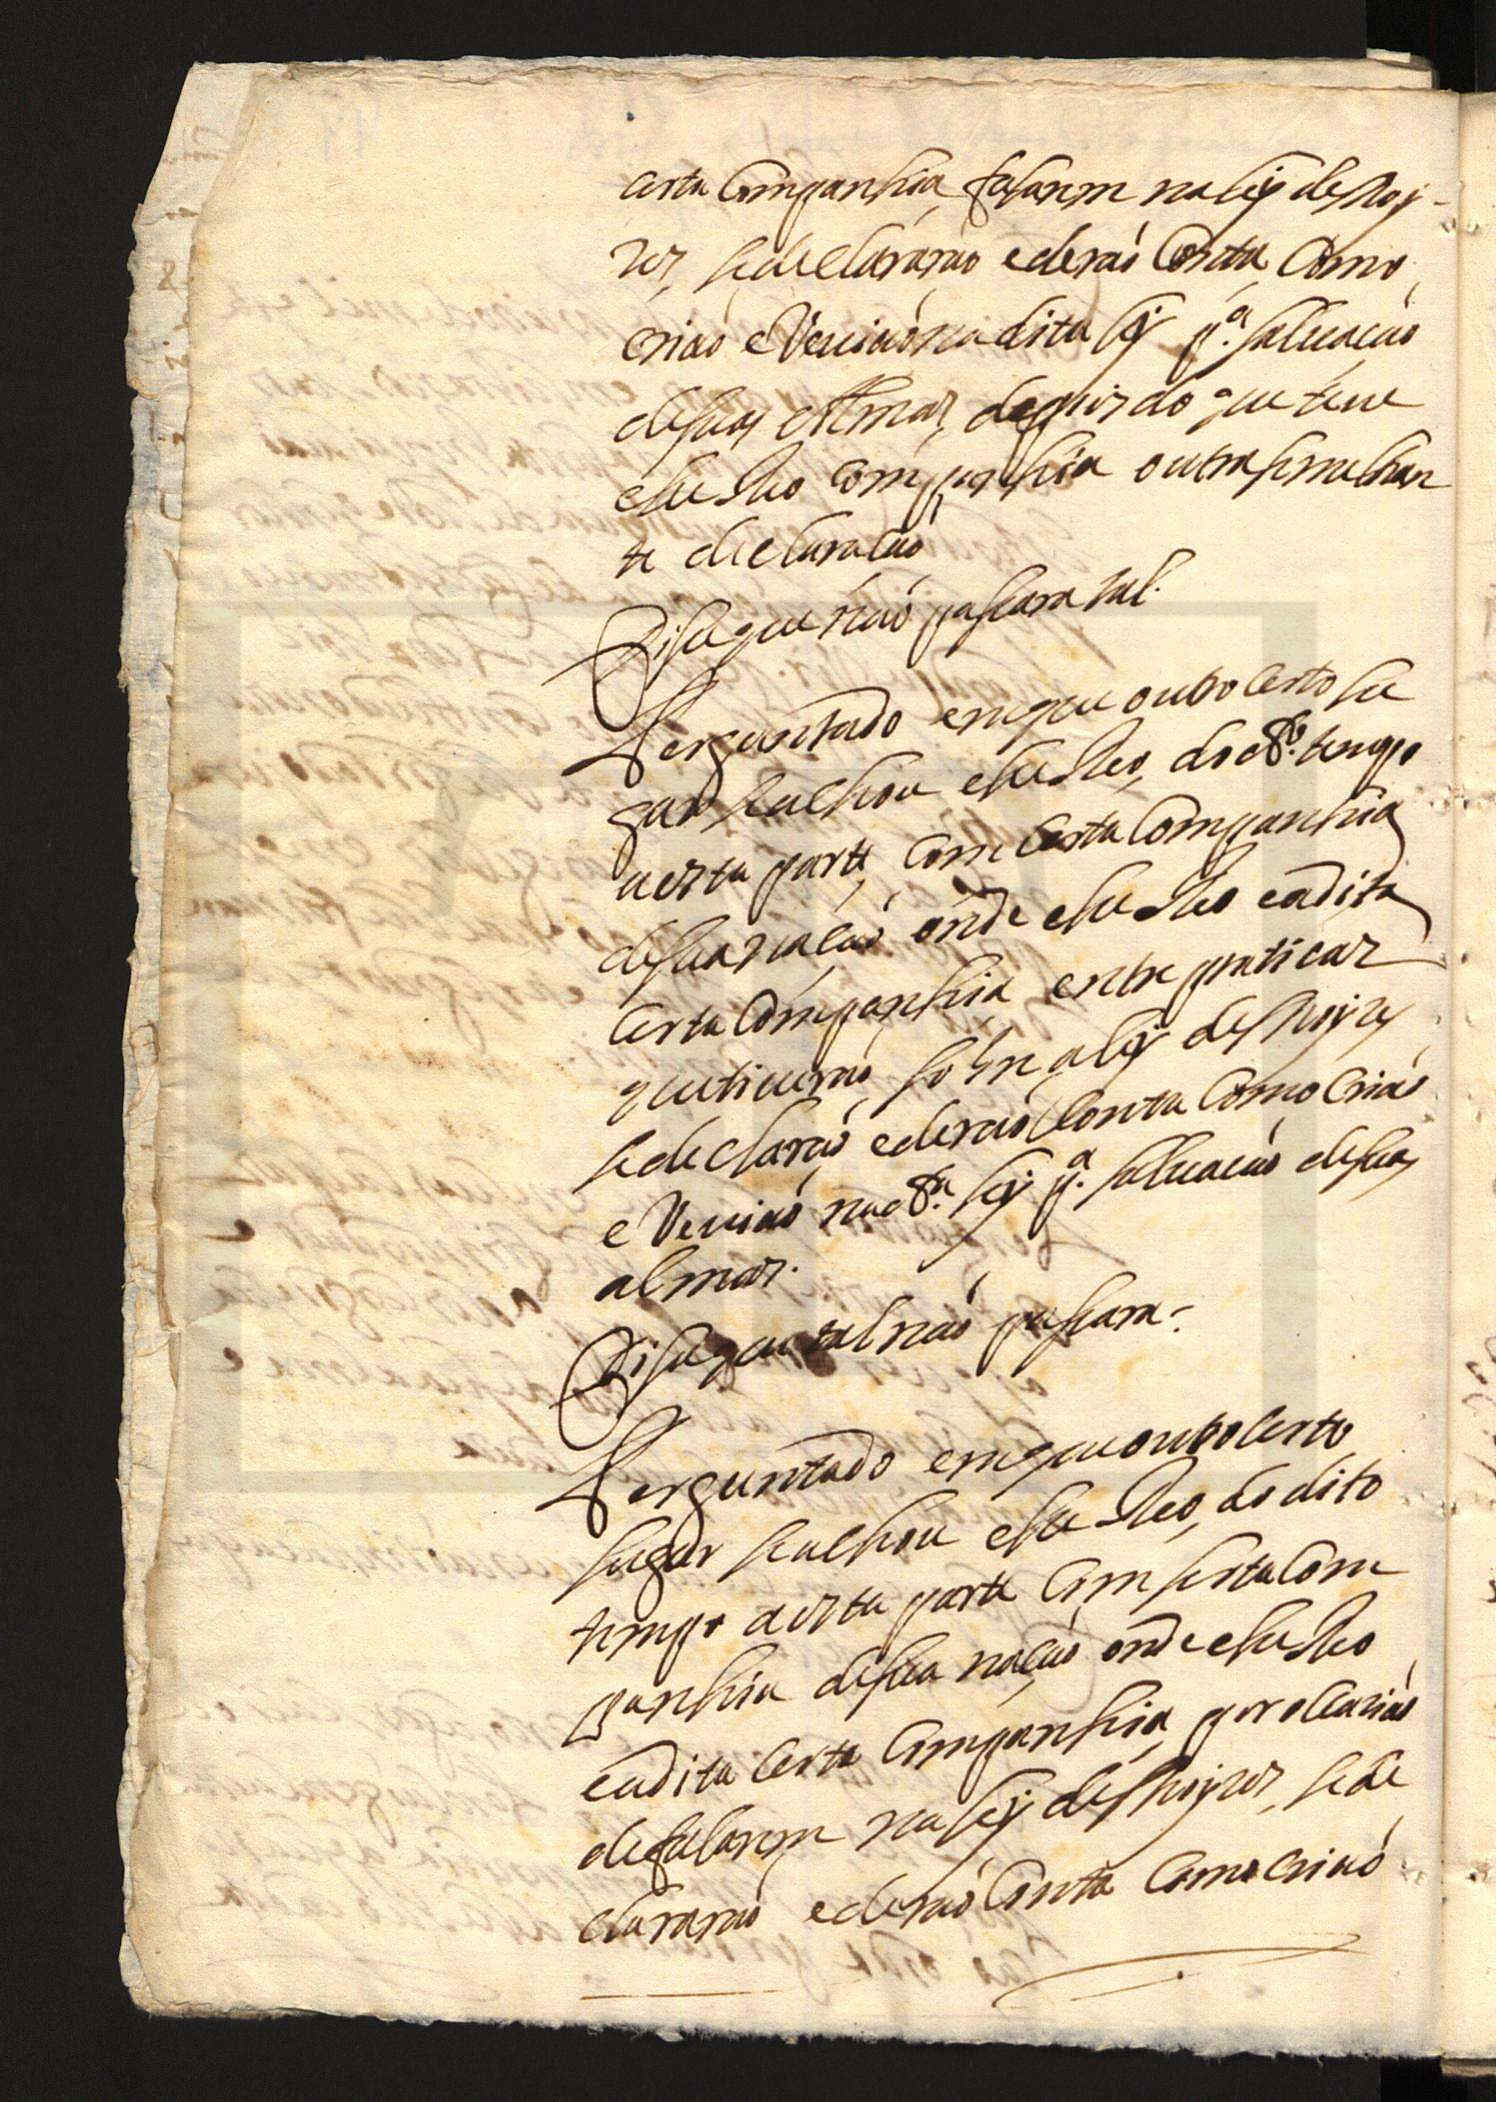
certa Companhia, falarem na Ley de Moy
zes, se declararaõ e deraõ Conta Como,
criaõ e Veuiaõ na dita Ley p.a saluaçaõ
de suas Almas, depois do que teue
elle Reo companhia outra semelhan
te declaraçaõ
Disse que naõ passara tal.
Perguntado em que outro certo lu
gar se achou elle Reo, do d̄.o tempo
nesta parte, com certa Companhia
de sua naçaõ onde elle Reo e a dita
certa companhia, entre praticaz
que tiueraõ sobre a ley de Moyzes
se declaraõ e deraõ Conta Como Criaõ
e Veuiaõ na d̄a Ley p.a saluacaõ de suas
almas.
Disse que tal naõ passara.
Perguntado em que outro certo
lugar se achou elle Reo, do dito
tempo a esta parte com serta com
panhia de sua naçaõ onde elle Reo
e a dita certa companhia por occaziaõ
de falarem na ley de Moyzes, se de
clararaõ e deraõ Conta como criaõ
